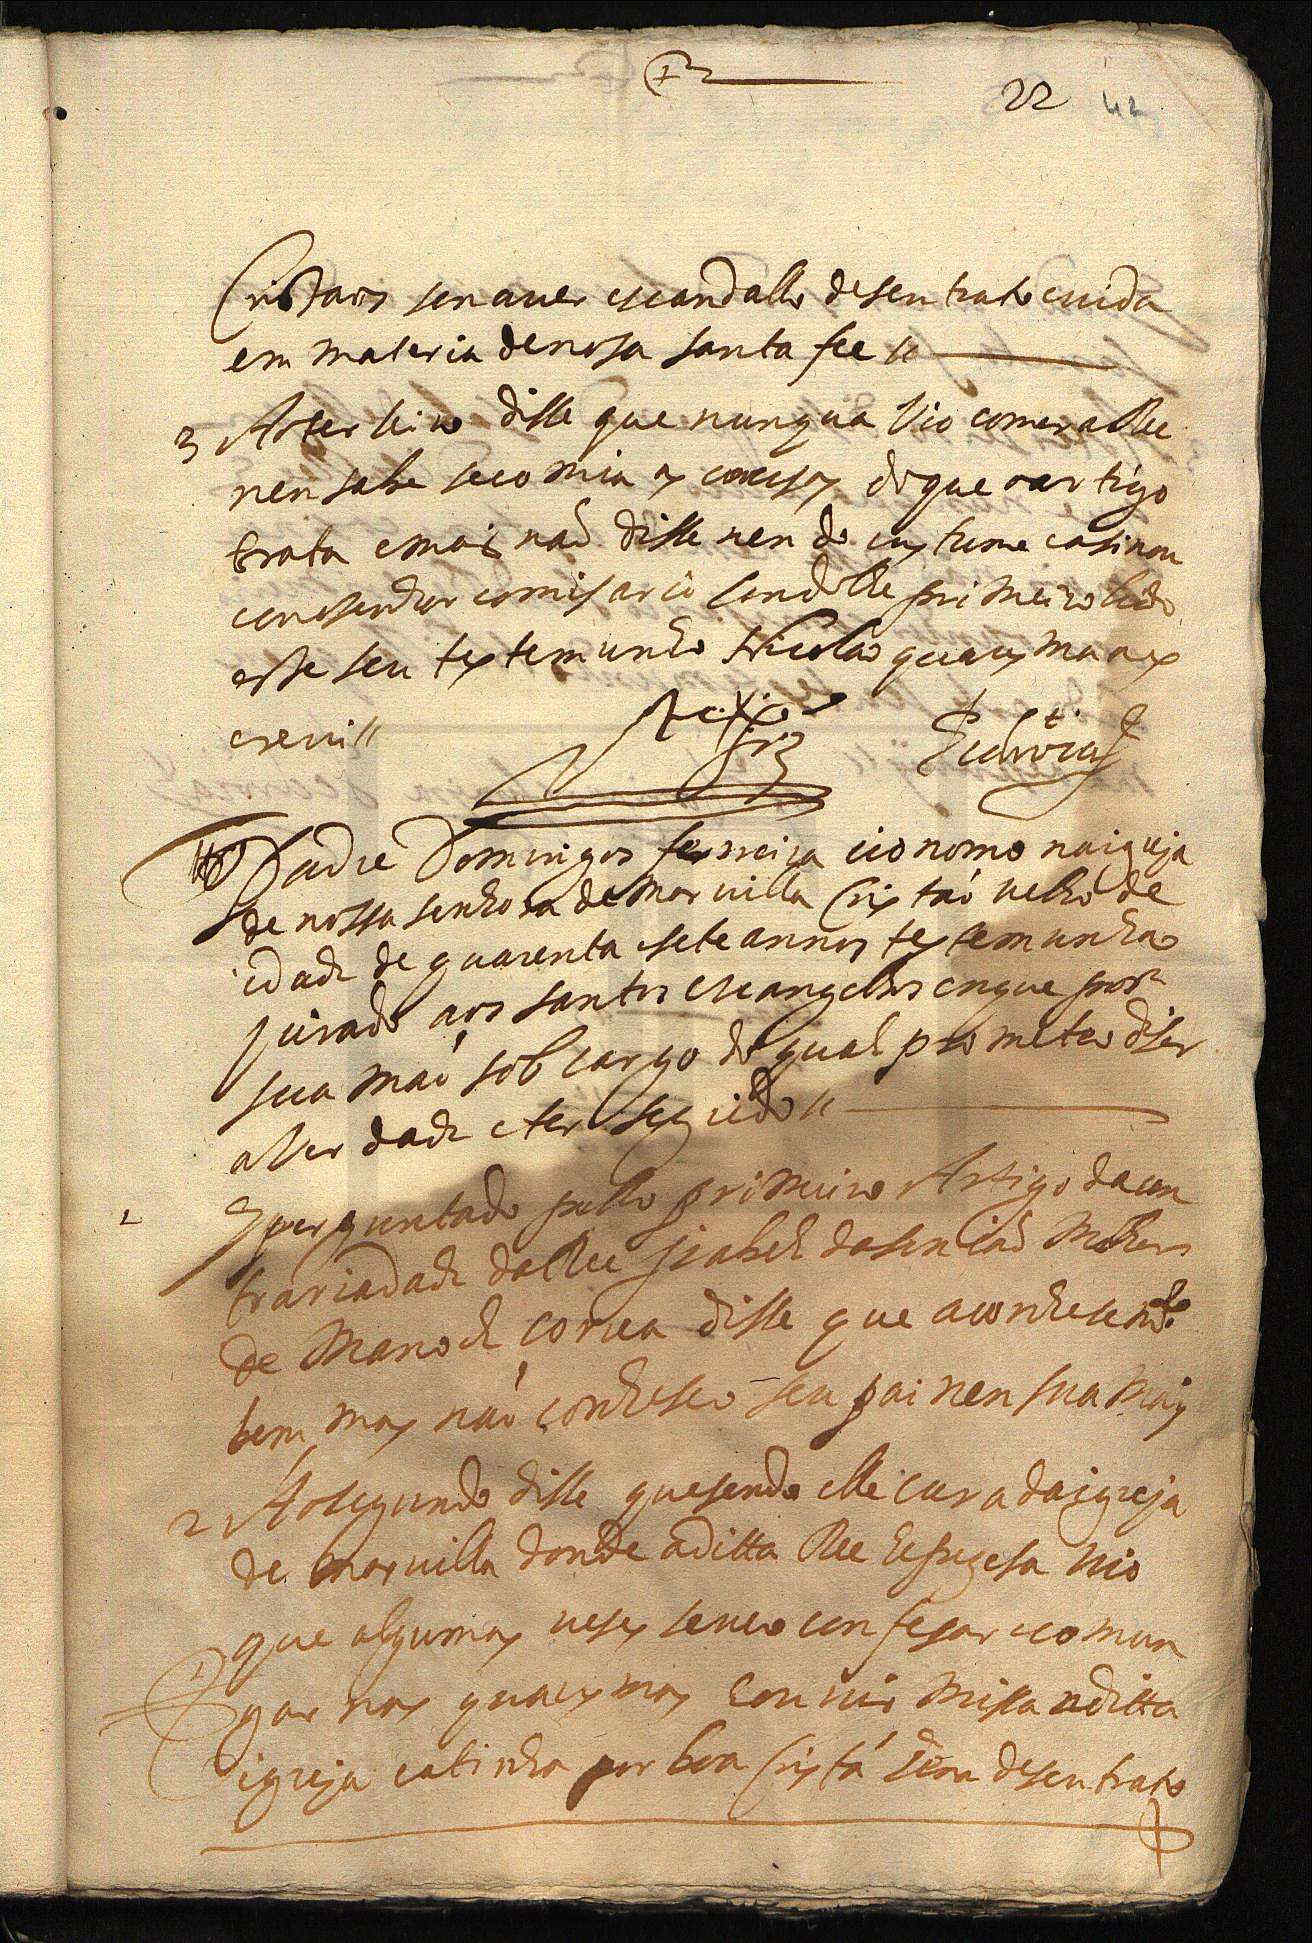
22
Cristaos sen auer escandallo de seu trato cuida
em materia de nosa santa fee //
3 Ao terseiro disse que nunqua vio comer a Ree
nem sabe se comia as cousas do que o artigo
trata e mais naõ disse nen do custume e asinou
com o senhor comisario sendolhe primeiro lido
este seu testemunho Nicolao quaresma o es
creui //
Pedroza
item Padre Domingos ferreira iconomo na igreja
de nossa senhora de maruilla Cristaõ uelho de
idade de quarenta e sete annos testemunha
jurado aos santos euangelhos en que pos
sua maõ sob cargo do qual prometeo diser
a verdade e ter segredo //
E perguntado pello primeiro Artigo da con
trariadade da Ree Jsabel dasençaõ molher
de Manoel correa disse que a conhese m.to
bem mas naõ conheseo seu pai nen sua may
2 Ao segundo disse que sendo elle cura da igreja
de maruilla donde a ditta Ree he fregesa uio
que algumas ueses se ueo confesar e comun
gar nas quaresmas e ouuir missa a ditta
igreja e a tinha por boa Cristã E era de seu trato
